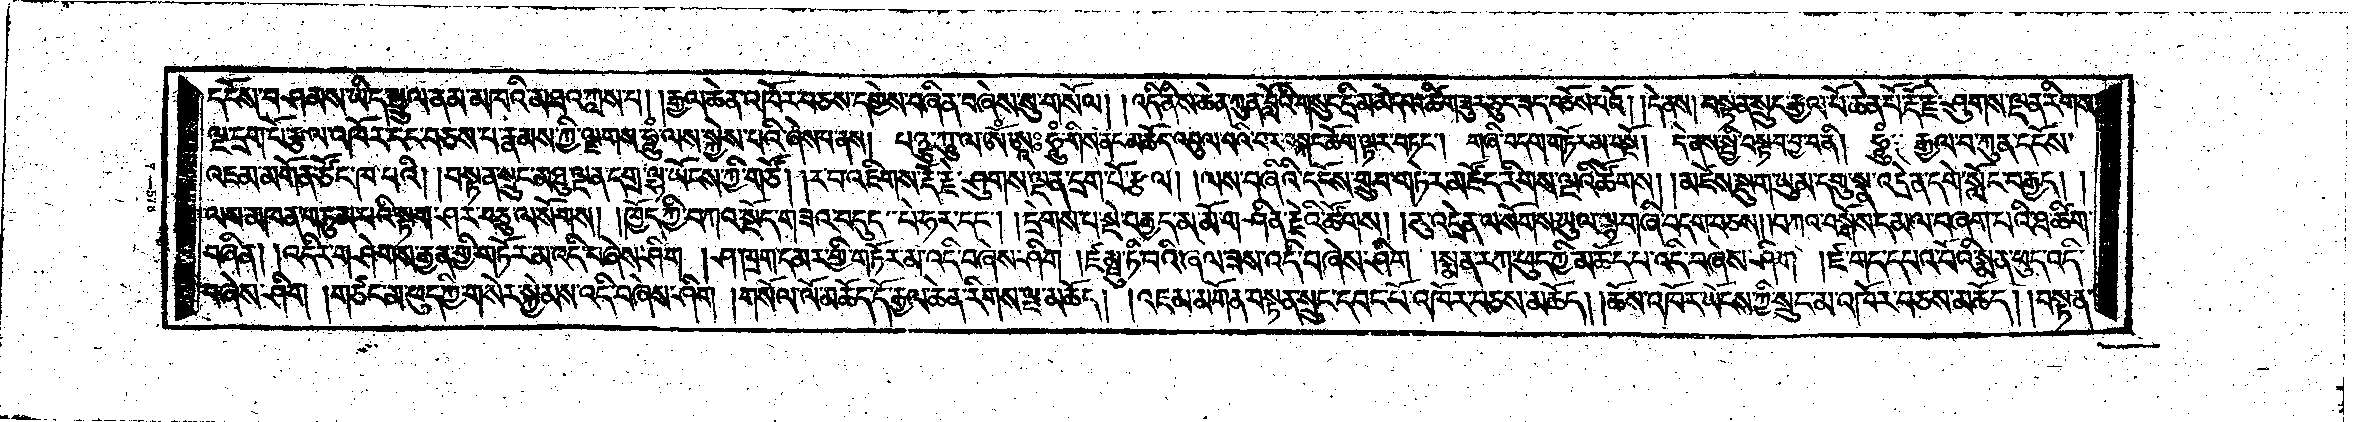དངོས་བཤམས་ཡིད་སྤྲུལ་ནམ་མཁའི་མཐའ་ཀླས་པ། །རྒྱལ་ཆེན་འཁོར་བཅས་དགྱེས་བཞིན་བཞེས་སུ་གསོལ། །འདི་ནི་ས་ཆེན་ཀུན་བློའི་གསུང་དྲི་མ་མེད་པ་ཚིག་ཟུར་ཅུང་ཟད་བཅོས་པའོ། །དེ་ནས། བསྟན་སྲུང་རྒྱལ་པོ་ཆེན་པོ་རྡོ་རྗེ་ཤུགས་ལྡན་རིགས་
ལྔ་དྲག་པོ་རྩལ་འཁོར་དང་བཅས་པ་རྣམས་ཀྱི་ལྗགས་ཧཱུཾ་ལས་སྐྱེས་པའི་ཞེས་པ་ནས། པཉྩ་ཀཱུ་ལ་ཨོཾ་ཨཱཿཧཱུཾ་གིས་ནང་མཆོད་འབུལ་བའི་བར་བསྐང་ཆོ་ག་ལྟར་བཏང་། གཞི་བདག་གཏོར་མ་བསྔོ། དེ་ནས་སྤྱི་བསྟབ་བྱ་བ་ནི།  ཧཱུཾ༑ རྒྱལ་བ་ཀུན་དངོས་
འཇམ་མགོན་ཙོང་ཁ་པའི། །བསྟན་སྲུང་མཐུ་ལྡན་དགྲ་ལྷ་ཡོངས་ཀྱི་གཙོ། །རབ་འཇིགས་རྡོ་རྗེ་ཤུགས་ལྡན་དྲག་པོ་རྩལ། །ལས་བཞིའི་དངོས་གྲུབ་གཏེར་མཛོད་རིགས་ལྔའི་ཚོགས། །མཛེས་སྡུག་ཡུམ་དགུ་སྣ་འདྲེན་དགེ་སློང་བརྒྱད། །
ལས་མཁན་བཏུམ་པའི་སྟག་ཤར་བཅུ་ལ་སོགས། །ཁྱོད་ཀྱི་བཀའ་སྡོད་གཟའ་བདུད་པེ་ཧར་དང་། །དྲེགས་པ་སྡེ་བརྒྱད་མ་མོ་གཤིན་རྗེའི་ཚོགས། །རུ་འདྲེན་ལ་སོགས་ཡུལ་ལྷ་གཞི་བདག་བཅས། །བཀའ་བསྒོས་དམ་ལ་བཞག་པའི་ཐ་ཚིག་
བཞིན། །འདིར་གཤེགས་རྒྱན་གྱི་གཏོར་མ་འདི་བཞེས་ཤིག །ཤ་ཁྲག་དམར་གྱི་གཏོར་མ་འདི་བཞེས་ཤིག །ཛམྦུ་ཏི་བའི་ཞལ་ཟས་འདི་བཞེས་ཤིག །སྨན་རཀ་ཕུད་ཀྱི་མཆོད་པ་འདི་བཞེས་ཤིག །ཛ་གད་དཔའ་བོའི་སྨན་ཕུད་འདི་
བཞེས་ཤིག །གཙང་མ་ཕུད་ཀྱི་གསེར་སྐྱེམས་འདི་བཞེས་ཤིག །གསོལ་ལོ་མཆོད་དོ་རྒྱལ་ཚེན་རིགས་ལྔ་མཆོད། །འཇམ་མགོན་བསྟན་སྲུང་དབང་པོ་འཁོར་བཅས་མཆོད། །ཆོས་འཁོར་ཡོངས་ཀྱི་སྲུང་མ་འཁོར་བཅས་མཆོད། །བསྟན་